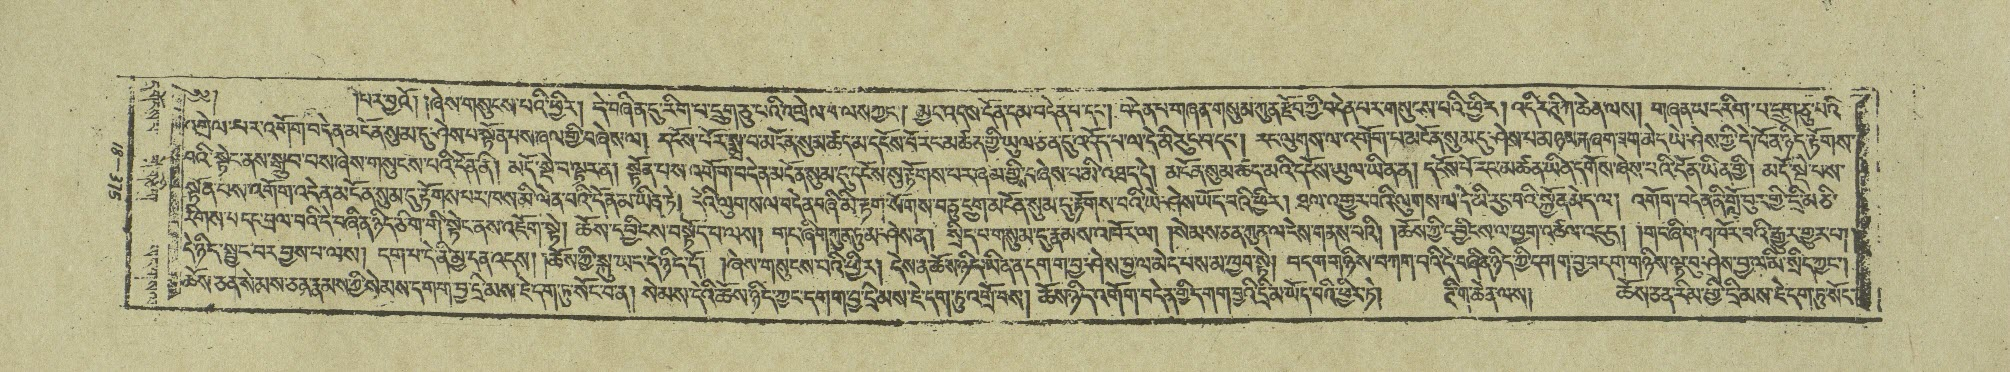༄༅། །པར་བྱའོ། །ཞེས་གསུངས་པའི་ཕྱིར། དེ་བཞིན་དུ་རིག་པ་དྲུག་ཅུ་པའི་འགྲེལ་པ་ལས་ཀྱང་། མྱང་འདས་དོན་དམ་བདེན་པ་དང་། བདེན་པ་གཞན་གསུམ་ཀུན་རྫོབ་ཀྱི་བདེན་པར་གསུངས་པའི་ཕྱིར། འདིར་ཊིཀ་ཆེན་ལས། གཞན་ཡང་རིག་པ་དྲུག་ཅུ་པའི་
འགྲེལ་པར་འགོག་བདེན་མངོན་སུམ་དུ་ཤེས་པ་སྟོན་པས་ཞལ་གྱི་བཞེས་ལ། དངོས་པོར་སྨྲ་བ་མངོན་སུམ་ཚད་མ་དངོས་པོ་རང་མཚན་གྱི་ཡུལ་ཅན་དུ་འདོད་པ་ལ་དེ་མི་རུང་བ་དང་། རང་ལུགས་ལ་འགོག་པ་མངོན་སུམ་དུ་ཤེས་པ་མཉམ་གཞག་ཟག་མེད་ཡེ་ཤེས་ཀྱི་དེ་ཁོ་ན་ཉིད་རྟོགས་
པའི་སྟེང་ནས་སྒྲུབ་པས་ཞེས་གསུངས་པའི་དོན་ནི། མདོ་སྡེ་པ་ལྟར་ན། སྟོན་པས་འགོག་བདེན་མངོན་སུམ་དུ་དངོས་སུ་རྟོགས་པར་ཞལ་གྱིས་བཞེས་པ་མི་འཐད་དེ། མངོན་སུམ་ཚད་མའི་དངོས་ཡུལ་ཡིན་ན། དངོས་པོ་རང་མཚན་ཡིན་དགོས་ཞེས་པའི་དོན་ཡིན་གྱི། མདོ་སྡེ་པས་
སྟོན་པས་འགོག་བདེན་མངོན་སུམ་དུ་རྟོགས་པར་ཁས་མི་ལེན་པའི་དོན་མ་ཡིན་ཏེ། དེའི་ལུགས་ལ་བདེན་བཞི་མི་རྟག་སོགས་བཅུ་དྲུག་མངོན་སུམ་དུ་རྟོགས་པའི་ཡེ་ཤེས་ཡོད་པའི་ཕྱིར། ཐལ་འགྱུར་བའི་ལུགས་ལ་དེ་མི་རུང་བའི་སྐྱོན་མེད་ལ། འགོག་བདེན་ནི་གློ་བུར་གྱི་དྲི་མ་ཅི་
རིགས་པ་དང་བྲལ་བའི་དེ་བཞིན་ཉིད་ཅིག་གི་སྟེང་ནས་འཇོག་སྟེ། ཆོས་དབྱིངས་བསྟོད་པ་ལས། གང་ཞིག་ཀུན་ཏུ་མ་ཤེས་ན། སྲིད་པ་གསུམ་དུ་རྣམས་འཁོར་ལ། །སེམས་ཅན་ཀུན་ལ་ངེས་གནས་པའི། །ཆོས་ཀྱི་དབྱིངས་ལ་ཕྱག་འཚལ་འདུད། །གང་ཞིག་འཁོར་བའི་རྒྱུར་གྱུར་པ།
དེ་ཉིད་སྦྱང་བར་བྱས་པ་ལས། དག་པ་དེ་ནི་མྱ་ངན་འདས། །ཆོས་ཀྱི་སྐུ་ཡང་དེ་ཉིད་དོ། །ཞེས་གསུངས་པའི་ཕྱིར། དེས་ན་ཆོས་ཉིད་ཡིན་ན་དགག་བྱ་ཤེས་བྱ་ལ་མེད་པས་མ་ཁྱབ་སྟེ། བདག་གཉིས་བཀག་པའི་དེ་བཞིན་ཉིད་ཀྱི་དགག་བྱ་བདག་གཉིས་ལྟ་བུ་ཤེས་བྱ་ལ་མི་སྲིད་ཀྱང་།
ཆོས་ཅན་སེམས་ཅན་རྣམས་ཀྱི་སེམས་དགག་བྱ་དྲི་མས་ཇེ་དག་ཏུ་སོང་བ་ན། སེམས་དེའི་ཆོས་ཉིད་ཀྱང་དགག་བྱ་དྲི་མས་ཇེ་དག་ཏུ་འགྲོ་བས། ཆོས་ཉིད་འགོག་བདེན་གྱི་དགག་བྱའི་དྲི་མ་ཡོད་པའི་ཕྱིར་ཏེ། ཊིཀ་ཆེན་ལས། ཆོས་ཅན་རིམ་གྱི་དྲི་མས་ཇེ་དག་ཏུ་སོང་